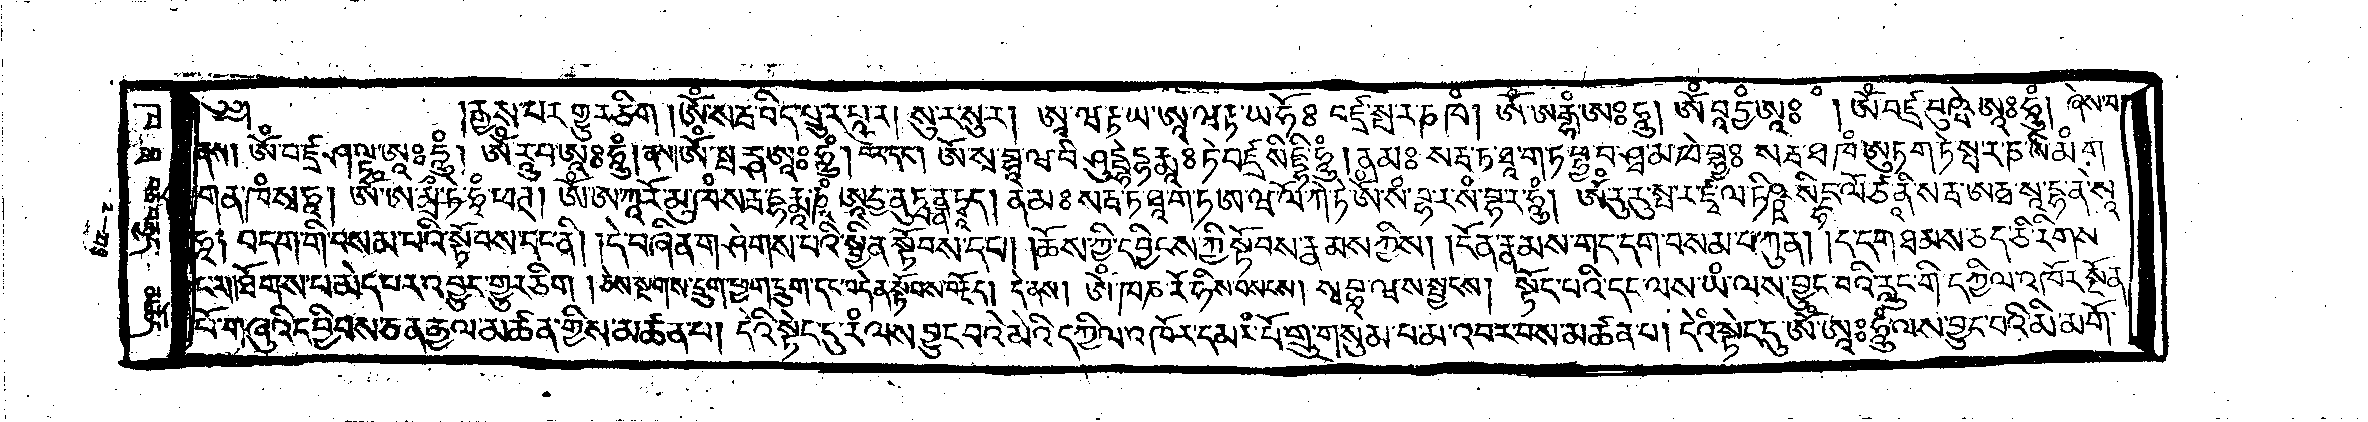༄༅། །རྒྱས་པར་གྱུར་ཅིག །ཨོཾ་སརྦ་བིད་པྲུ་ར་པཱ་ར། སུ་ར་སུ་ར། ཨཱ་ཝ་རྟ་ཡ་ཨཱ་ཝ་རྟ་ཡ་ཧོཿ བཛྲ་སྤར་ཎ་ཁཾ། ཨོཾ་ཨརྒྷཾ་ཨཿཧཱུ། ཨོཾབཱདྱཾ་ཨཱཿ །ཨོཾ་བཛྲ་བུཥྤེ་ཨཱཿཧཱུཾ། ཞེས་བ་
ནས། ཨོཾ་བཛྲ་ཤལྟ་ཨཱཿཧཱུཾ། ཨོཾ་རཱུ་པ་ཨའཱཿཧཱུཾ། ནས།  ཨོཾ་སྶྤརྲྴ་ཨཱཿ ཧཱུཾ། བར་དང་།  ཨོཾ་སྭབྷཱཝ་བི་ཤུདྡྷེ་དྷརྨཱཿ ཏེ་བཛྲ་སིདྡྷི་ཧཱུཾ། ནམཿ སརྦ་ཏ་ཐཱ་ག་ཏ་ཕྱ་བ་ཤྭམ་ཁེ་བྷྱཿསརྦ་ཐ་ཁཾ་ཨུཏག་ཏེ་སྦར་ཎ་ལི་མཾ་ག་
གན་ཁཾ་སྭཧཱ། ཨོཾ་ཨ་མྲྀ་ཏེ་ཧཱཾ་ཕཊ། ཨོཾ་ཨ་ཀཱ་རོ་མུ་ཁཾ་སྲྦ་དྷརྨཱ་ཎཱཾ་ཨཱ་དྱ་ནུཏྦནྣ་ཏྭཱད། ནམཿ སརྦ་ཏ་ཐཱ་ག་ཏ་ཨ་ཝ་ལོ་ཀེ་ཏེ་ཨོཾ་སཾ་བྷར་སཾབྷར་ཧཱུཾ། ཨོཾ་རུ་རུ་སྤ་ར་ཛྭ་ལ་ཏཥཊཿཨི་སིདྡྷ་ལོ་ཙ་ནཱི་སརྦ་ཨཐ་སཱ་དྷ་ན་སཱ་
ཧཱ། བདག་གི་བསམ་པའི་སྟོབས་དང་ནི། །དེ་བཞིན་གཤེགས་པའི་སྦྱིན་སྟོབས་དབ། །ཆོས་ཀྱི་དབྱིངས་ཀྱི་སྟོབས་རྣམས་ཀྱིས། །དོན་རྣམས་གང་དག་བསམ་པ་ཀུན། །དེ་དག་ཐམས་ཅད་ཅི་རིགས་
པར། །ཐོགས་པ་མེད་པར་འབྱུང་གྱུར་ཅིག་།ཅེས་སྔགས་དྲུག་ཕྱག་དྲུག་དང་བདེན་སྟོབས་བརྗོད། །དེ་ནས།  ཨོཾ་ཁ་ཎ་རོ་ཧིས་བསངས། སྭབྷཱ་ཝས་སྦྱངས་སྟོང་པའི་དང་ལས་ཡཾ་ལས་བྱུང་བའི་རླུང་གི་དཀྱིལ་འཁོར་སྔོན་
པོ་གཞུའི་དབྱིབས་ཅན་རྒྱལ་མཚན་གྱིས་མཚན་པ། དེའི་སྟེང་དུ་རཾ་ལས་བྱུང་བའི་མེའི་དཀྱིལ་འཁོར་དམར་པོ་གྲུ་གསུམ་བ་མ་འབར་བས་མཚན་པ། དེའི་སྟེང་དུ་ཨོཾ་ཨཱཿ ཧཱུཾ་ལས་བྱུང་བའི་མི་མགོ་